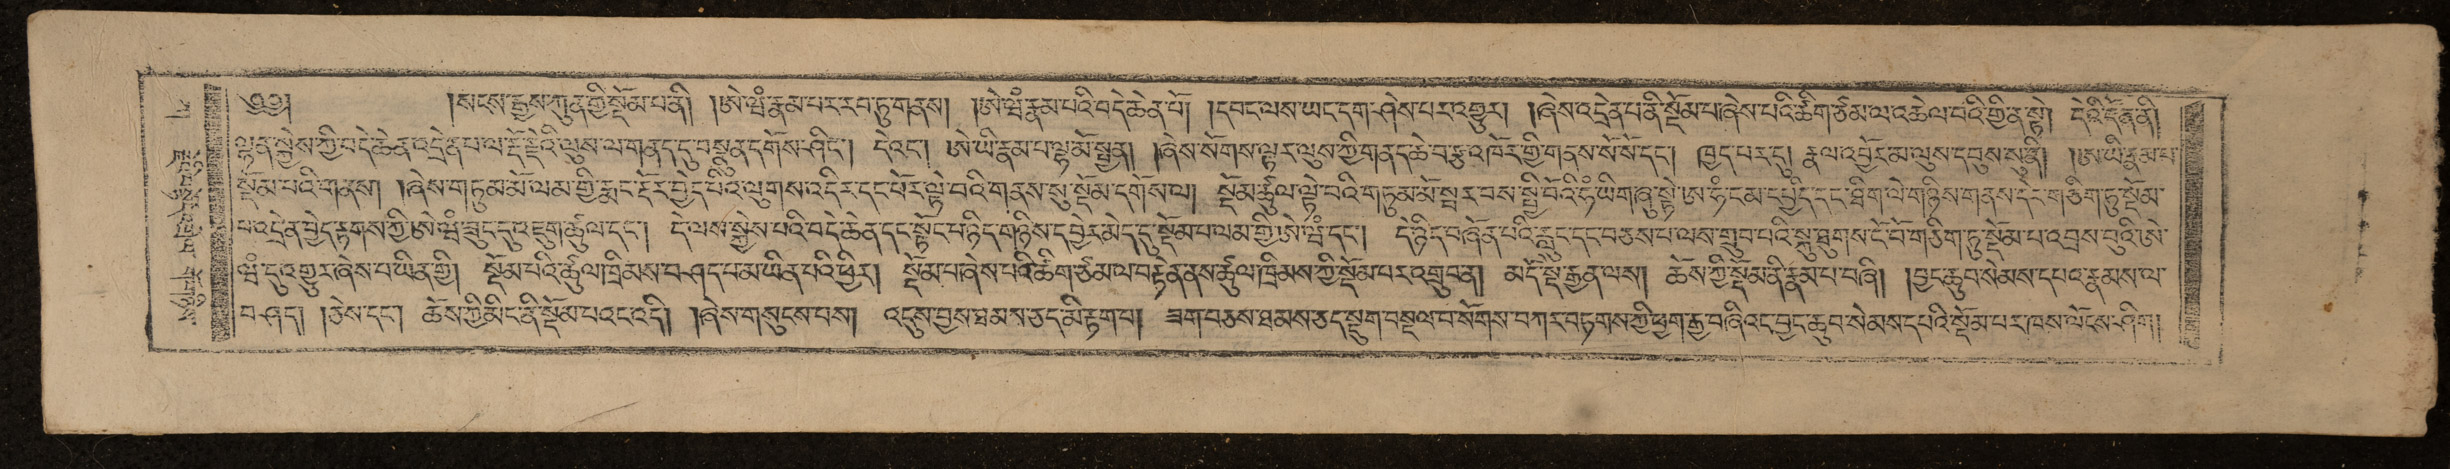༄༅། །སངས་རྒྱས་ཀུན་གྱི་སྡོམ་པ་ནི། །ཨེ་ཝཾ་རྣམ་པར་རབ་ཏུ་གནས། །ཨེ་ཝཾ་རྣམ་པའི་བདེ་ཆེན་པོ། །དབང་ལས་ཡང་དག་ཤེས་པར་འགྱུར། །ཞེས་འདྲེན་པ་ནི་སྡོམ་པ་ཞེས་པའི་ཚིག་ཙམ་ལ་འཆེལ་བའི་ཕྱིན་སྟེ། དེའི་དོན་ནི།
ལྷན་སྐྱེས་ཀྱི་བདེ་ཆེན་འདྲེན་པ་ལ་རྡོ་རྗེའི་ལུས་ལ་གནད་དུ་བསྨུན་དགོས་ཤིང་། དེའང་། ཨེ་ཡི་རྣམ་པ་ལྷ་མོ་སྤྱན། །ཞེས་སོགས་ལྟར་ལུས་ཀྱི་གནད་ཆེ་བ་རྩ་འཁོར་གྱི་གནས་སོ་སོ་དང་། ཁྱད་ལར་དུ། རྣལ་འབྱོར་མ་ལུས་དབུས་སུ་ནི། །ཨ་ཡི་རྣམ་པ་
སྡོམ་པའི་གནས། །ཞེས་གཏུམ་མོ་ལམ་གྱི་རྨང་རྡོར་བྱེད་པའི་ལུགས་འདིར་དང་ལོར་ལྟེ་བའི་གནས་སུ་སྡོམ་དགོས་ལ། སྡོམ་ཚུལ་ལྟེ་བའི་གཏུམ་མོ་སྦར་བས་སྤྱི་བོའི་ཧཾ་ཡིག་ཞུ་སྟེ་ཨ་ཧཾ་ངམ་དྥྱིད་དང་ཐིག་ལེ་གཉིས་གནས་དེར་གཅིག་ཏུ་སྡོམ་
པ་འདྲེན་བྱེད་རྟགས་ཀྱི་ཨེ་ཝཾ་གྲུང་དུ་འཇུག་ཚུལ་དང་། དེ་ལས་སྐྱེས་པའི་བདེ་ཆེན་དང་སྟོང་པ་ཉིད་གཉིས་དབྱེར་མེད་དུ་སྡོམ་པ་ལམ་གྱི་ཨེ་ཝཾ་དང་། དེ་ཉིད་བཞོན་བའི་རླུང་དང་བཅས་པ་ལས་གྲུབ་པའི་སྐུ་ཐུགས་ངོ་བོ་གཅིག་ཏུ་སྡོམ་པ་འབྲས་བུའི་ཨེ་
ཝཾ་དུ་འགྱུར་ཞེས་པ་ཡིན་གྱི། སྡོམ་པའི་ཚུལ་ཁྲིམས་བཤད་པ་མ་ཡིན་པའི་ཕྱིར། སྡོམ་པ་ཞེས་པའི་ཚིག་ཙམ་ལ་བརྟེན་ནས་ཚུལ་ཁྲིམས་ཀྱི་སྡོམ་པར་འགྲུབ་ན། མདོ་སྡེ་རྒྱན་ལས། ཆོས་ཀྱི་སྡོམ་ནི་རྣམ་པ་བཞི། །བྱང་ཆུབ་སེམས་དཔའ་རྣམས་ལ་
བཤད། །ཅེས་དང་། ཆོས་ཀྱི་མིང་ནི་སྡོམ་བའང་འདི། །ཞེས་གསུངས་པས། འདུས་བྱས་ཐམས་ཅད་མི་རྟག་པ། ཟག་བཅས་ཐམས་ཅད་སྡུག་བསྔལ་བ་སོགས་བཀར་བཏགས་ཀྱི་ཕྱག་རྒྱ་བཞིའང་བྱང་ཆུབ་སེམས་དཔའི་སྡོམ་པར་ཁས་ལོངས་ཤིག །